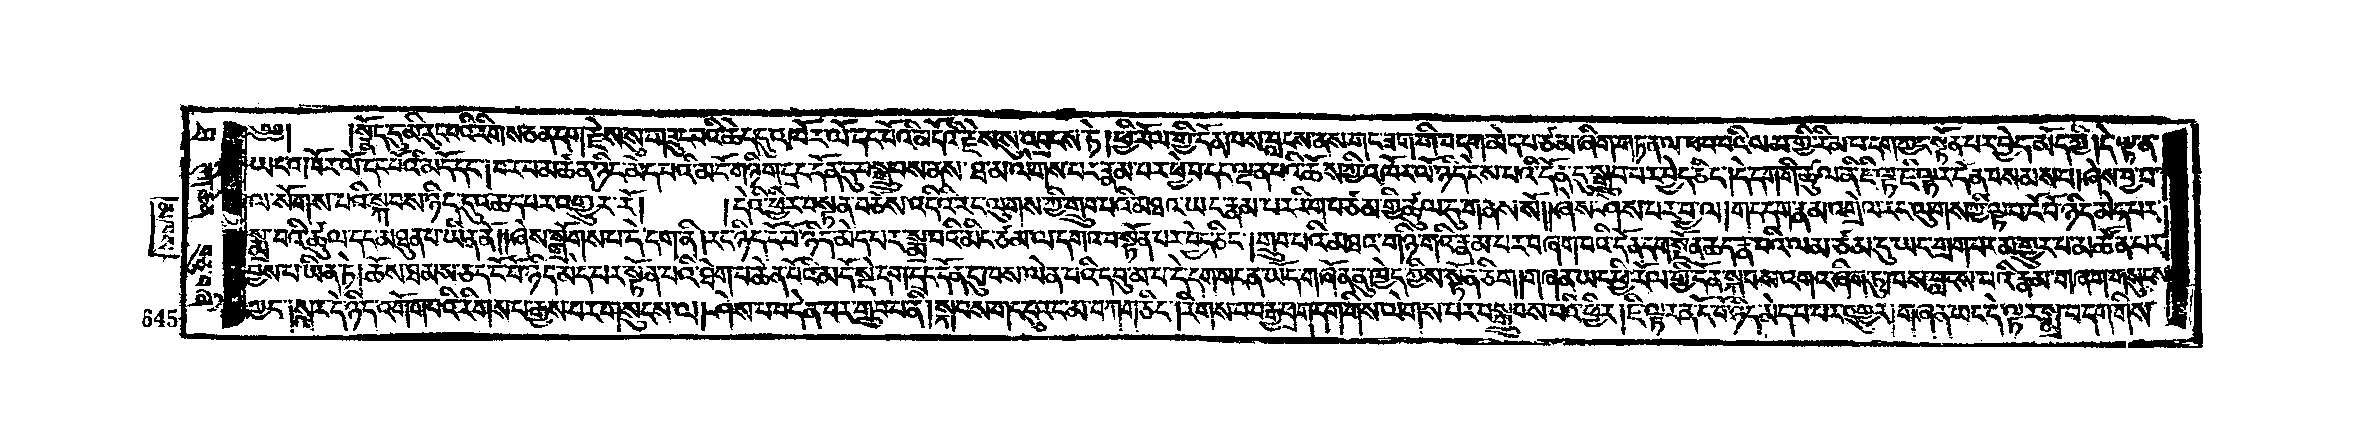༄༅། །སྣོད་དུ་མི་རུང་བའི་རིགས་ཅན་དག་རྗེས་སུ་གསུང་བའི་ཆེད་དུ་འཁོར་ལོ་དང་པོའི་མདོའི་རྗེས་སུ་འབྲངས་ཏེ། ཕྱིར་རོལ་གྱི་དོན་ཁས་བླང་ནས་གང་ཟག་གི་བདག་མེད་པ་ཙམ་ཞིག་གཏན་ལ་ཕབ་པའི་ལམ་གྱི་རིམ་པ་དག་ཀྱང་སྟོན་པར་བྱེད་མོད་ཀྱི། དེ་ལྟ་ན་
ཡང་འཁོར་ལོ་དང་པོའི་མདོ་དང་། བར་པ་མཚན་ཉིད་མེད་པའི་མདོ་གཉིག་དྲང་དོན་དུ་བསྒྲུབས་ནས་ཐ་མ་ལེགས་པར་རྣམ་པར་ཕྱེ་བ་དང་ལྡན་པའི་ཆོས་ཀྱི་འཁོར་ལོ་ཉིད་ངེས་པའི་དོན་དུ་སྒྲུབ་པར་བྱེད་ཅིང་། དེ་དག་གི་ཚུལ་ནི་ཇི་ལྟ་ཇི་ལྟར་དོན་བསམས་པ། ཞེས་བྱ་བ་
ལ་སོགས་པའི་སྐབས་ཉིད་དུ་འཆད་པར་འགྱུར་རོ། །དེའི་ཕྱིར་བསྟན་བཅོས་འདེའི་ཕྱིར་བསྟན་བཅོས་འདིའི་རང་ལུགས་ཀྱི་གྲུབ་པའི་མཐའ་ཡང་རྣམ་པར་རིག་པ་ཙམ་གྱི་ཚུལ་དུ་གནས་སོ། །ཞེས་ཤེས་པར་བྱ་ལ། གང་དག་རྣམ་འགྲེལ་རང་ལུགས་ཀྱི་ལྟ་བ་ངོ་ནོ་ཉིད་མེད་པར་
སྨྲ་བའི་ཚུལ་དང་མཐུན་པ་ཡིན་ནོ། །ཞེས་སྒྲོགས་པ་དེ་དག་ནི། རང་ཉིད་ངོ་བོ་ཉིད་མེད་པར་སྨྲ་བའི་མིང་ཙམ་ལ་དགའ་བསྟན་པར་བྱེད་ཅིང་། གྲུབ་པའི་མཐའ་གཉི་གའི་རྣམ་པར་བཞག་པའི་དོན་དག་སྔོན་ཆད་རྣ་བའི་ལམ་ཙམ་དུ་ཡང་གྲག་པར་མ་གྱུར་པ་མཚོན་པར་
བྱས་པ་ཡིན་ཏེ། ཆོས་ཐམས་ཅད་ངོ་བོ་ཉིད་མེད་པར་སྟོན་པའི་ཐེག་པ་ཆེན་པོའི་མདོ་སྡེ་དག་དྲང་དོན་དུ་ཁས་ལེན་པའི་དབུ་མ་པ་དེ་དག་གང་ན་ཡོད་གཞོན་ནུ་ཁྱེད་ཀྱིས་སྟོན་ཅིག། གཞན་ཡང་ཕྱི་རོལ་གྱི་དོན་སྐབས་འགའ་ཞིག་ཏུ་ཁས་བླངས་པའི་རྣམ་གཞག་གསུངས་
ཀྱང༑ སླར་དེ་ཉིད་འགོག་བའི་རིགས་པ་རྒྱས་པར་གསུངས་ལ། ཤེས་པ་བདེན་པར་གྲུབ་པ་ནི། སྐབས་གང་དུའང་མ་བཀག་ཅིང་། རིགས་པ་བརྒྱ་ཕྲག་དག་གིས་ལེགས་པར་བསྒྲུབས་པའི་ཕྱིར། ཇི་ལྟར་ན་ངོ་བོ་ཉིད་མེད་པ་པར་འགྱུར། གཞན་ཡང་དེ་ལྟར་སྨྲ་བ་དག་གིས་